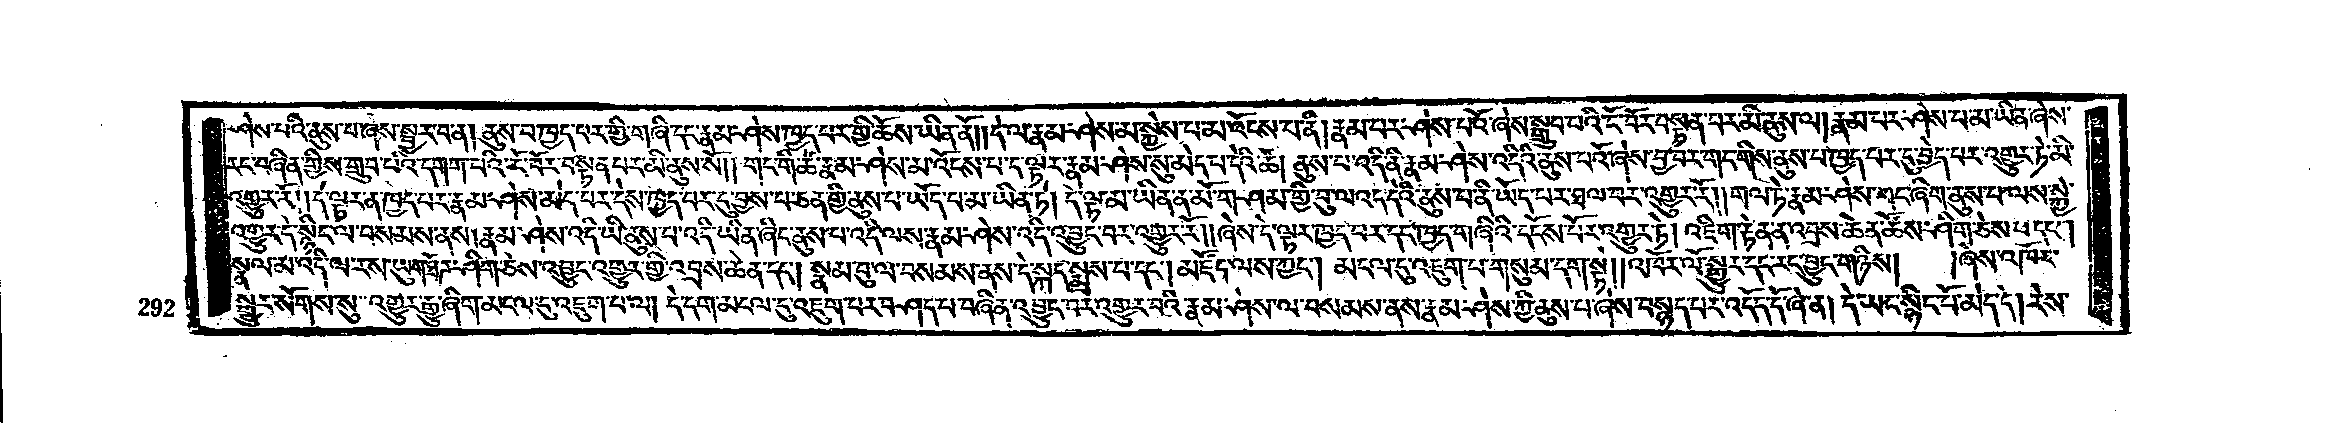ཤེས་པའི་ནུས་པ་ཞེས་སྦྱར་བ་ན། ནུས་པ་ཁྱད་པར་གྱི་གཞི་དང་རྣམ་ཤེས་ཁྱད་པར་གྱི་ཆོས་ཡིན་ནོ། །དེ་ལ་རྣམ་ཤེས་མ་སྐྱེས་པ་མ་འོངས་པ་ནི། རྣམ་པར་ཤེས་པའོ་ཞེས་སྒྲུབ་པའི་ངོ་བོར་བསྟན་པར་མི་ནུས་ལ། རྣམ་པར་ཤེས་པ་མ་ཡིན་ཞེས་
རང་བཞིན་གྱིས་གྲུབ་པའི་དགག་པའི་ངོ་བོར་བསྟན་པར་མི་ནུས་སོ། །གང་གི་ཚེ་རྣམ་ཤེས་མ་འོངས་པ་ད་ལྟར་རྣམ་ཤེས་སུ་མེད་པ་དེའི་ཚེ། ནུས་པ་འདི་ནི་རྣམ་ཤེས་འདིའི་ནུས་པའོ་ཞེས་བྱ་བར་གང་གིས་ནུས་པ་ཁྱད་པར་དུ་བྱེད་པར་འགྱུར་ཏེ་མི་
འགྱུར་རོ། །དེ་ལྟར་ན་ཁྱད་པར་རྣམ་ཤེས་མེད་པར་དེས་ཁྱད་པར་དུ་བྱས་པ་ཅན་གྱི་ནུས་པ་ཡོད་པ་མ་ཡིན་ཏེ། དེ་ལྟ་མ་ཡིན་ན་མོ་གཤམ་གྱི་བུ་ལའང་དེའི་ནུས་པ་ནི་ཡོད་པར་ཐལ་བར་འགྱུར་རོ། །གལ་ཏེ་རྣམ་ཤེས་གང་ཞིག་ནུས་པ་ལས་སྐྱེ་
འགྱུར་དེ་སྙིང་ལ་བསམས་ནས། རྣམ་ཤེས་འདི་ཡི་ནུས་པ་འདི་ཡིན་ཞིང་ནུས་པ་འདི་ལས་རྣམ་ཤེས་འདི་འབྱུང་བར་འགྱུར་རོ། །ཞེས་དེ་ལྟར་ཁྱད་པར་དང་ཁྱད་གཞིའི་དངོས་པོར་འགྱུར་ཏེ། འཇིག་རྟེན་ན་འབྲས་ཆན་ཚོས་ཤིག་ཅེས་པ་དང་།
སྣལ་མ་འདི་ལ་རས་ཡུག་ཐོགས་ཤིག་ཅེས་འབྱུང་འགྱུར་གྱི་འབྲས་ཆན་དང་། སྣམ་བུ་ལ་བསམས་ནས་དེ་སྐད་སྨྲས་པ་དང་། མཛོད་ལས་ཀྱང་། མངལ་དུ་འཇུག་པ་གསུམ་དག་སྟེ། །འཁོར་ལོ་སྒྱུར་དང་རང་བྱུང་གཉིས། །ཞེས་འཁོར་
སྒྱུར་སོགས་སུ་འགྱུར་རྒྱུ་ཞིག་མངལ་དུ་འཇུག་པ་ལ། དེ་དག་མངལ་དུ་འཇུག་པར་བཤད་པ་བཞིན་འབྱུང་བར་འགྱུར་བའི་རྣམ་ཤེས་ལ་བསམས་ནས་རྣམ་ཤེས་ཀྱི་ནུས་པ་ཞེས་བསྙད་པར་འདོད་དོ་ཞེ་ན། དེ་ཡང་སྙིང་པོ་མེད་དེ། རེས་